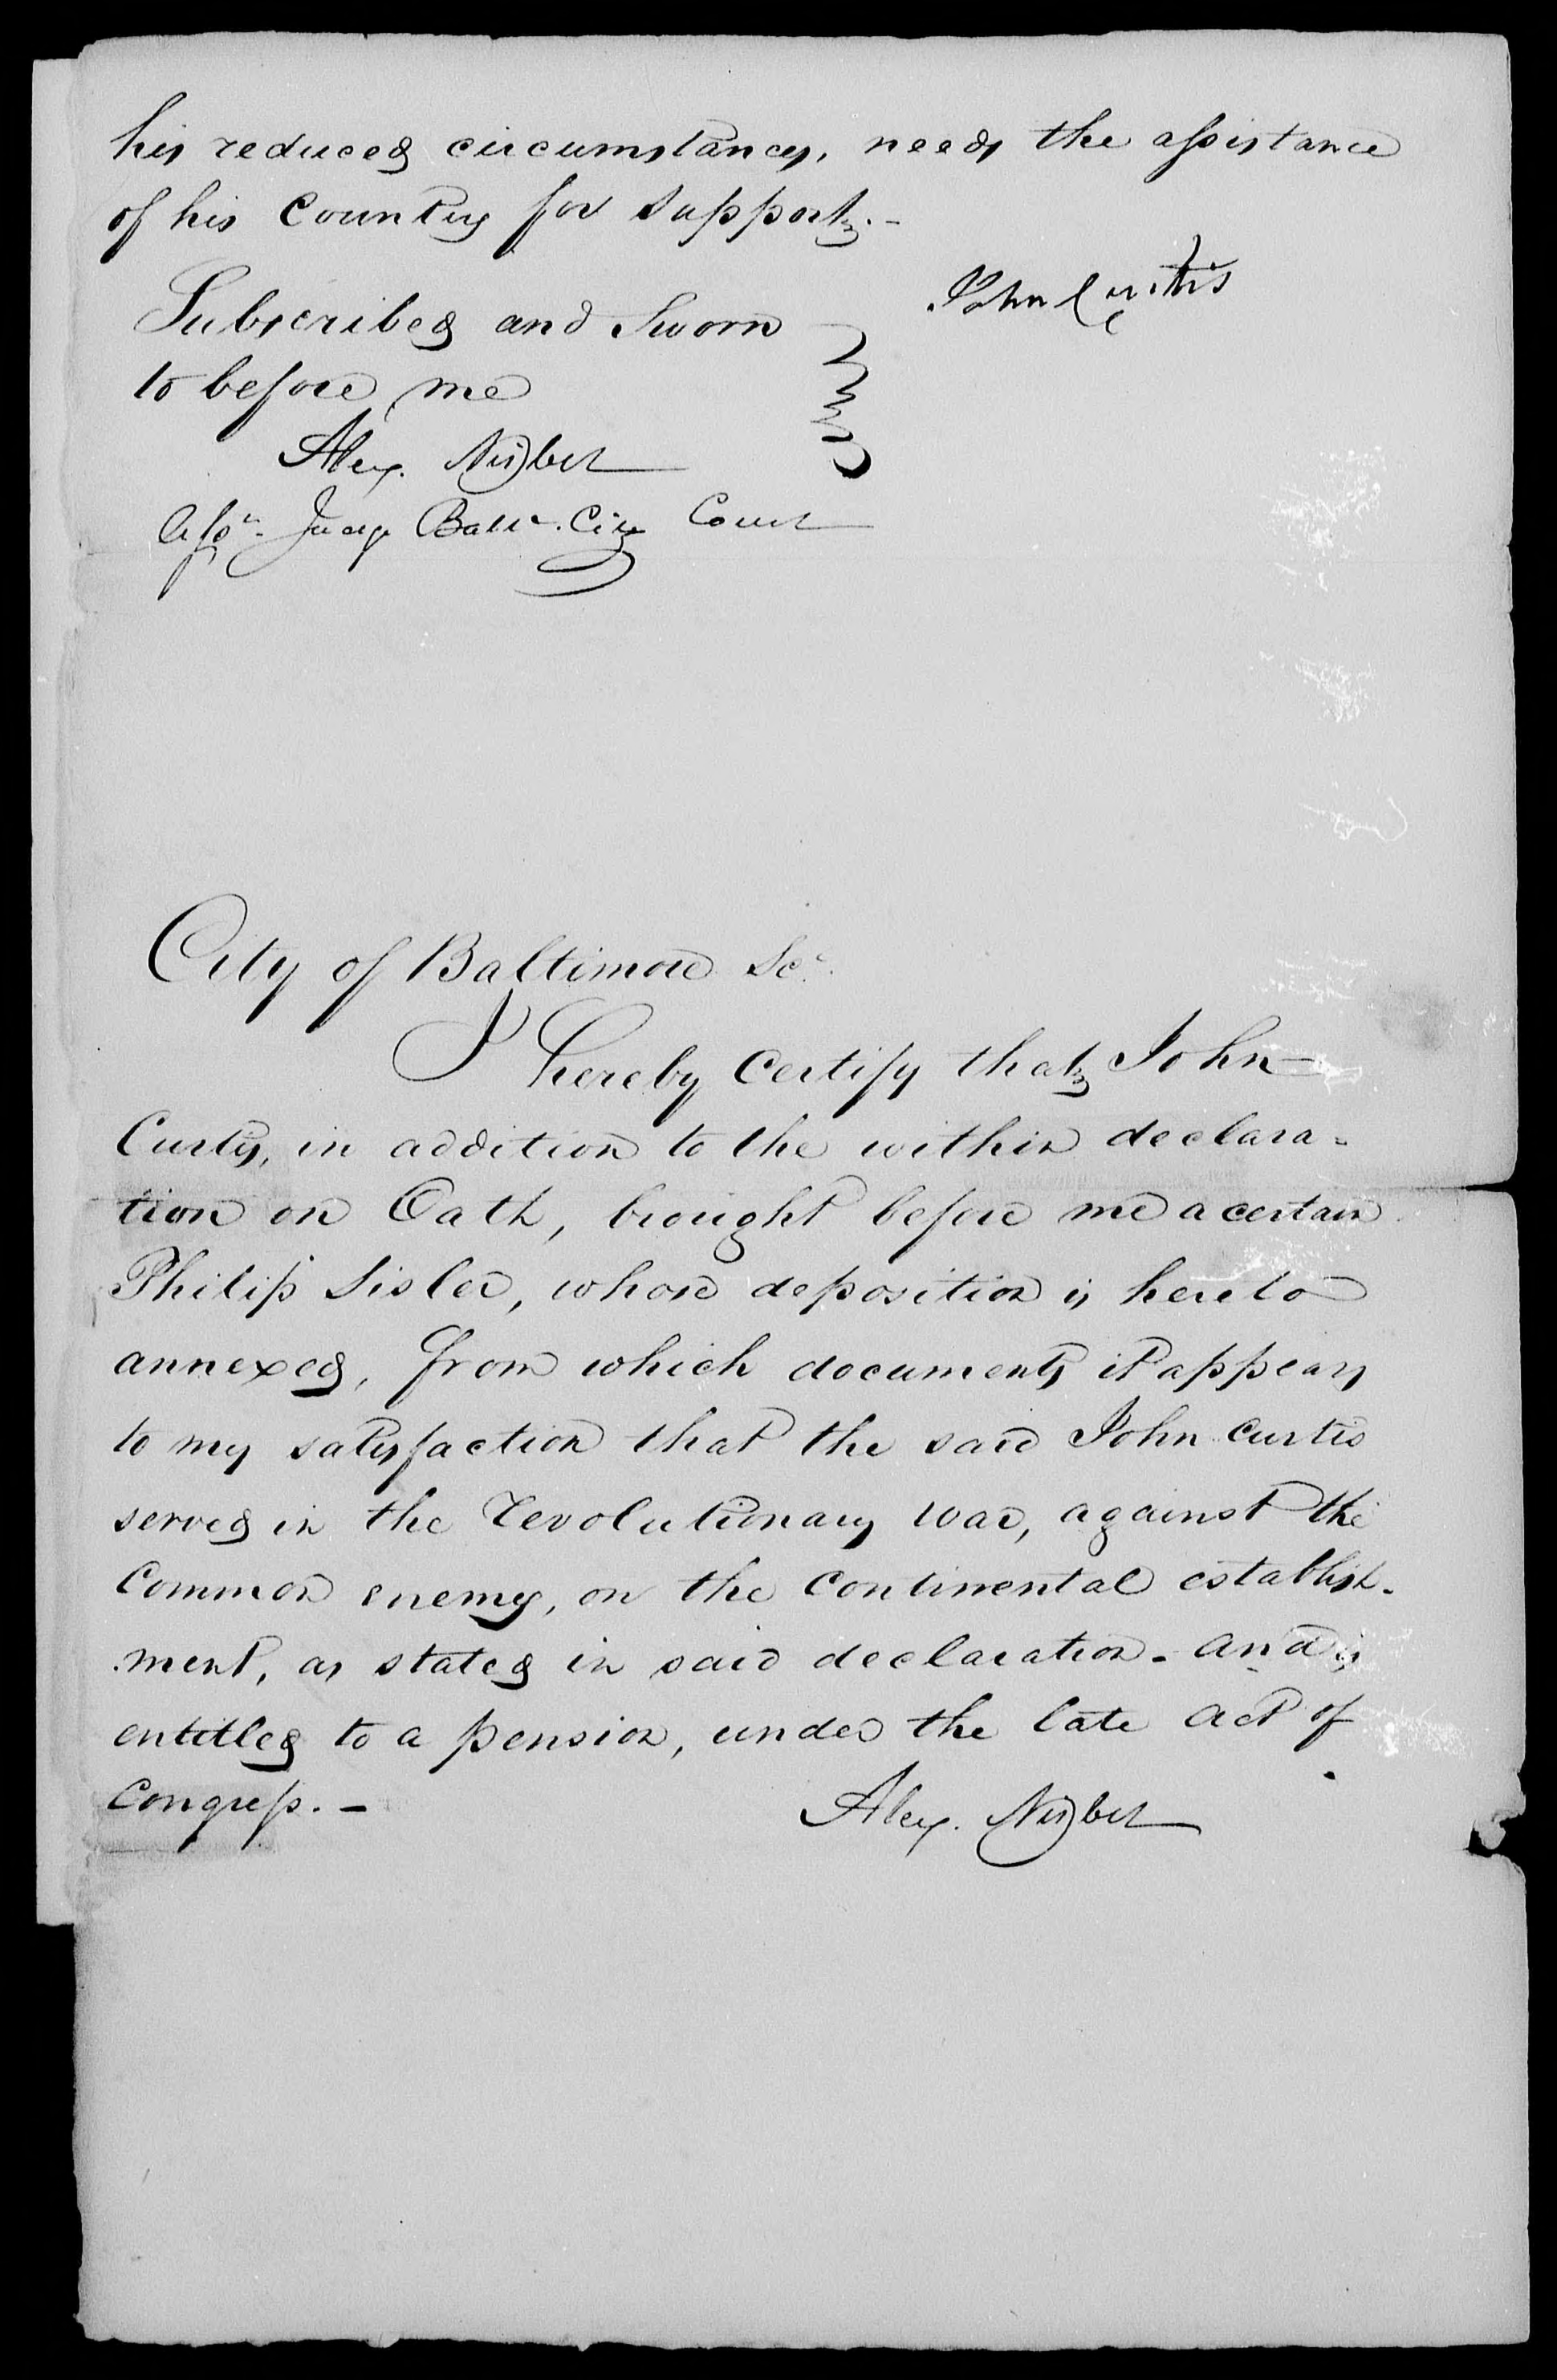his reduced circumstances, needs the assistance of his Country for support. John Curtis Subscribed and Sworn to before me 
Alex. Nisbet
Asst. Judge Baltimore City Court

City of Baltimore Sc.
I hereby certify that John Curtis, in addition to the within declaration on Oath, brought before me a certain Philip Sisler, whose deposition is hereto annexed, from which documents it appears to my satisfaction that the said John Curtis served in the Revolutionary war, against the Common enemy, on the Continental establish ment, as stated in said declaration . And is entitled to a pension, under the late act of Congress.
Alex. Number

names: John Curtis, John Curtis, John Curtis, Alex Nisbet, Philip Sisler, Alex Nisbet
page: 4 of 26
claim: survivor's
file: S. 34,725, John Curtis, Md.